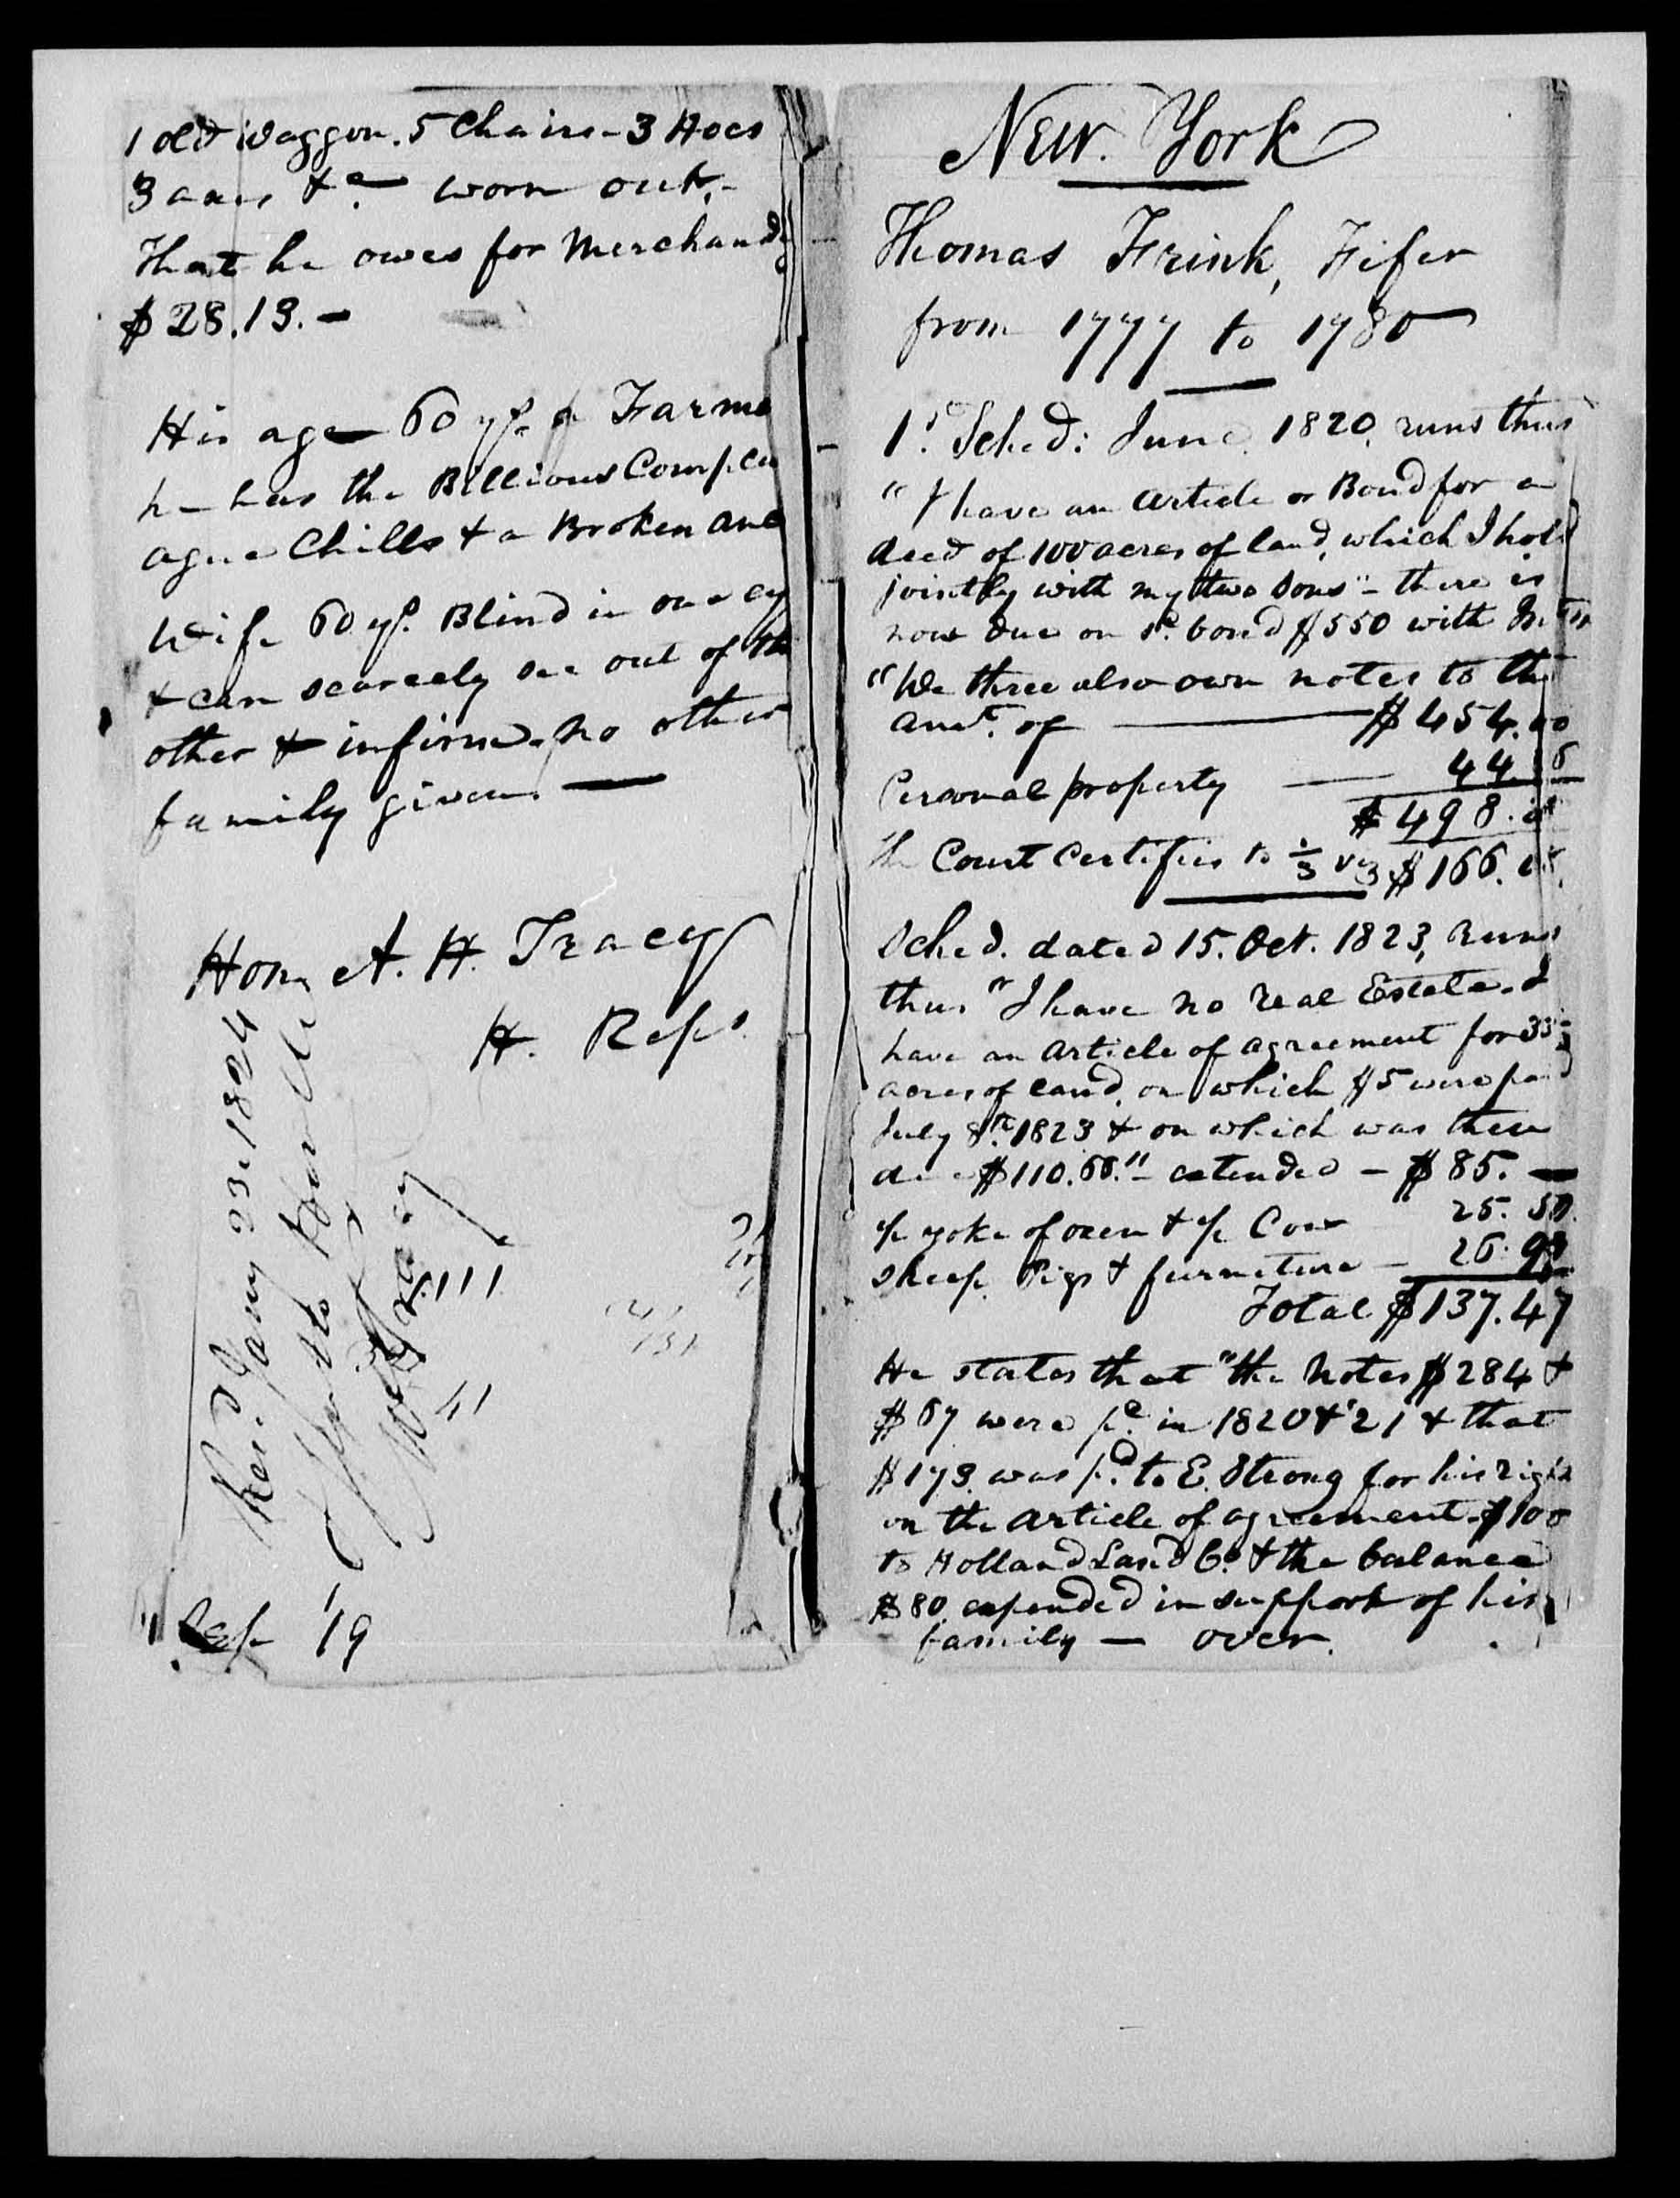1 old waggon. 5 chairs - 3 [eligible] 3 [eligible], and worn out.  That he owes for Merchand $28.13. 
His age 60 years & a farmer. he has the billious complication, [illegible] chills, and a broken ankle.  Wife 60 years and blind in one eye and can scarcely see out of the other & infirm.  No other family given - Hon. A. H. Tracy H. Reps 
Recd Jan 23, 1824 [eligible] '19 

New York 
Thomas Frink, fifer from 1777 to 1780 --- 1st Sched: June 1820 runs thus: " I have an article or bond for a deed of 100 acres of land which I hold jointly with my two sons" -- there is now due on bond $ 550 with [illegible]. "We three also own notes to the amount of ----- $454.00,  Personal property 44.00 [Total] $498.00. 
The court certifies to 1/3 viz $166.00. Sched. dated 15 Oct. 1823  [illegible] being thus "I have no real estate and have an article of agreement for 35 acres of land, on which 5 were paid July 8th 1823 & on which was 
then due $110.50" - extended - $85. --
1/2 [eligible] of cost $25.50.
I keep pigs & furniture -- $26.97. 
Total $137.47.

He states that "the notes $284 & $67 were p. in 1820 & '21 & that $173 was p. to E. Sponge for his [eligible] on the article of agreement. $100 to Holland Land Co. & the balance $80 expended in support of his family [turn page] - over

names: E Strong, A H Tracy, Thomas Frink, W Tracy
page: 14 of 33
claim: survivor's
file: S 43571, Thomas Frink, Mass.